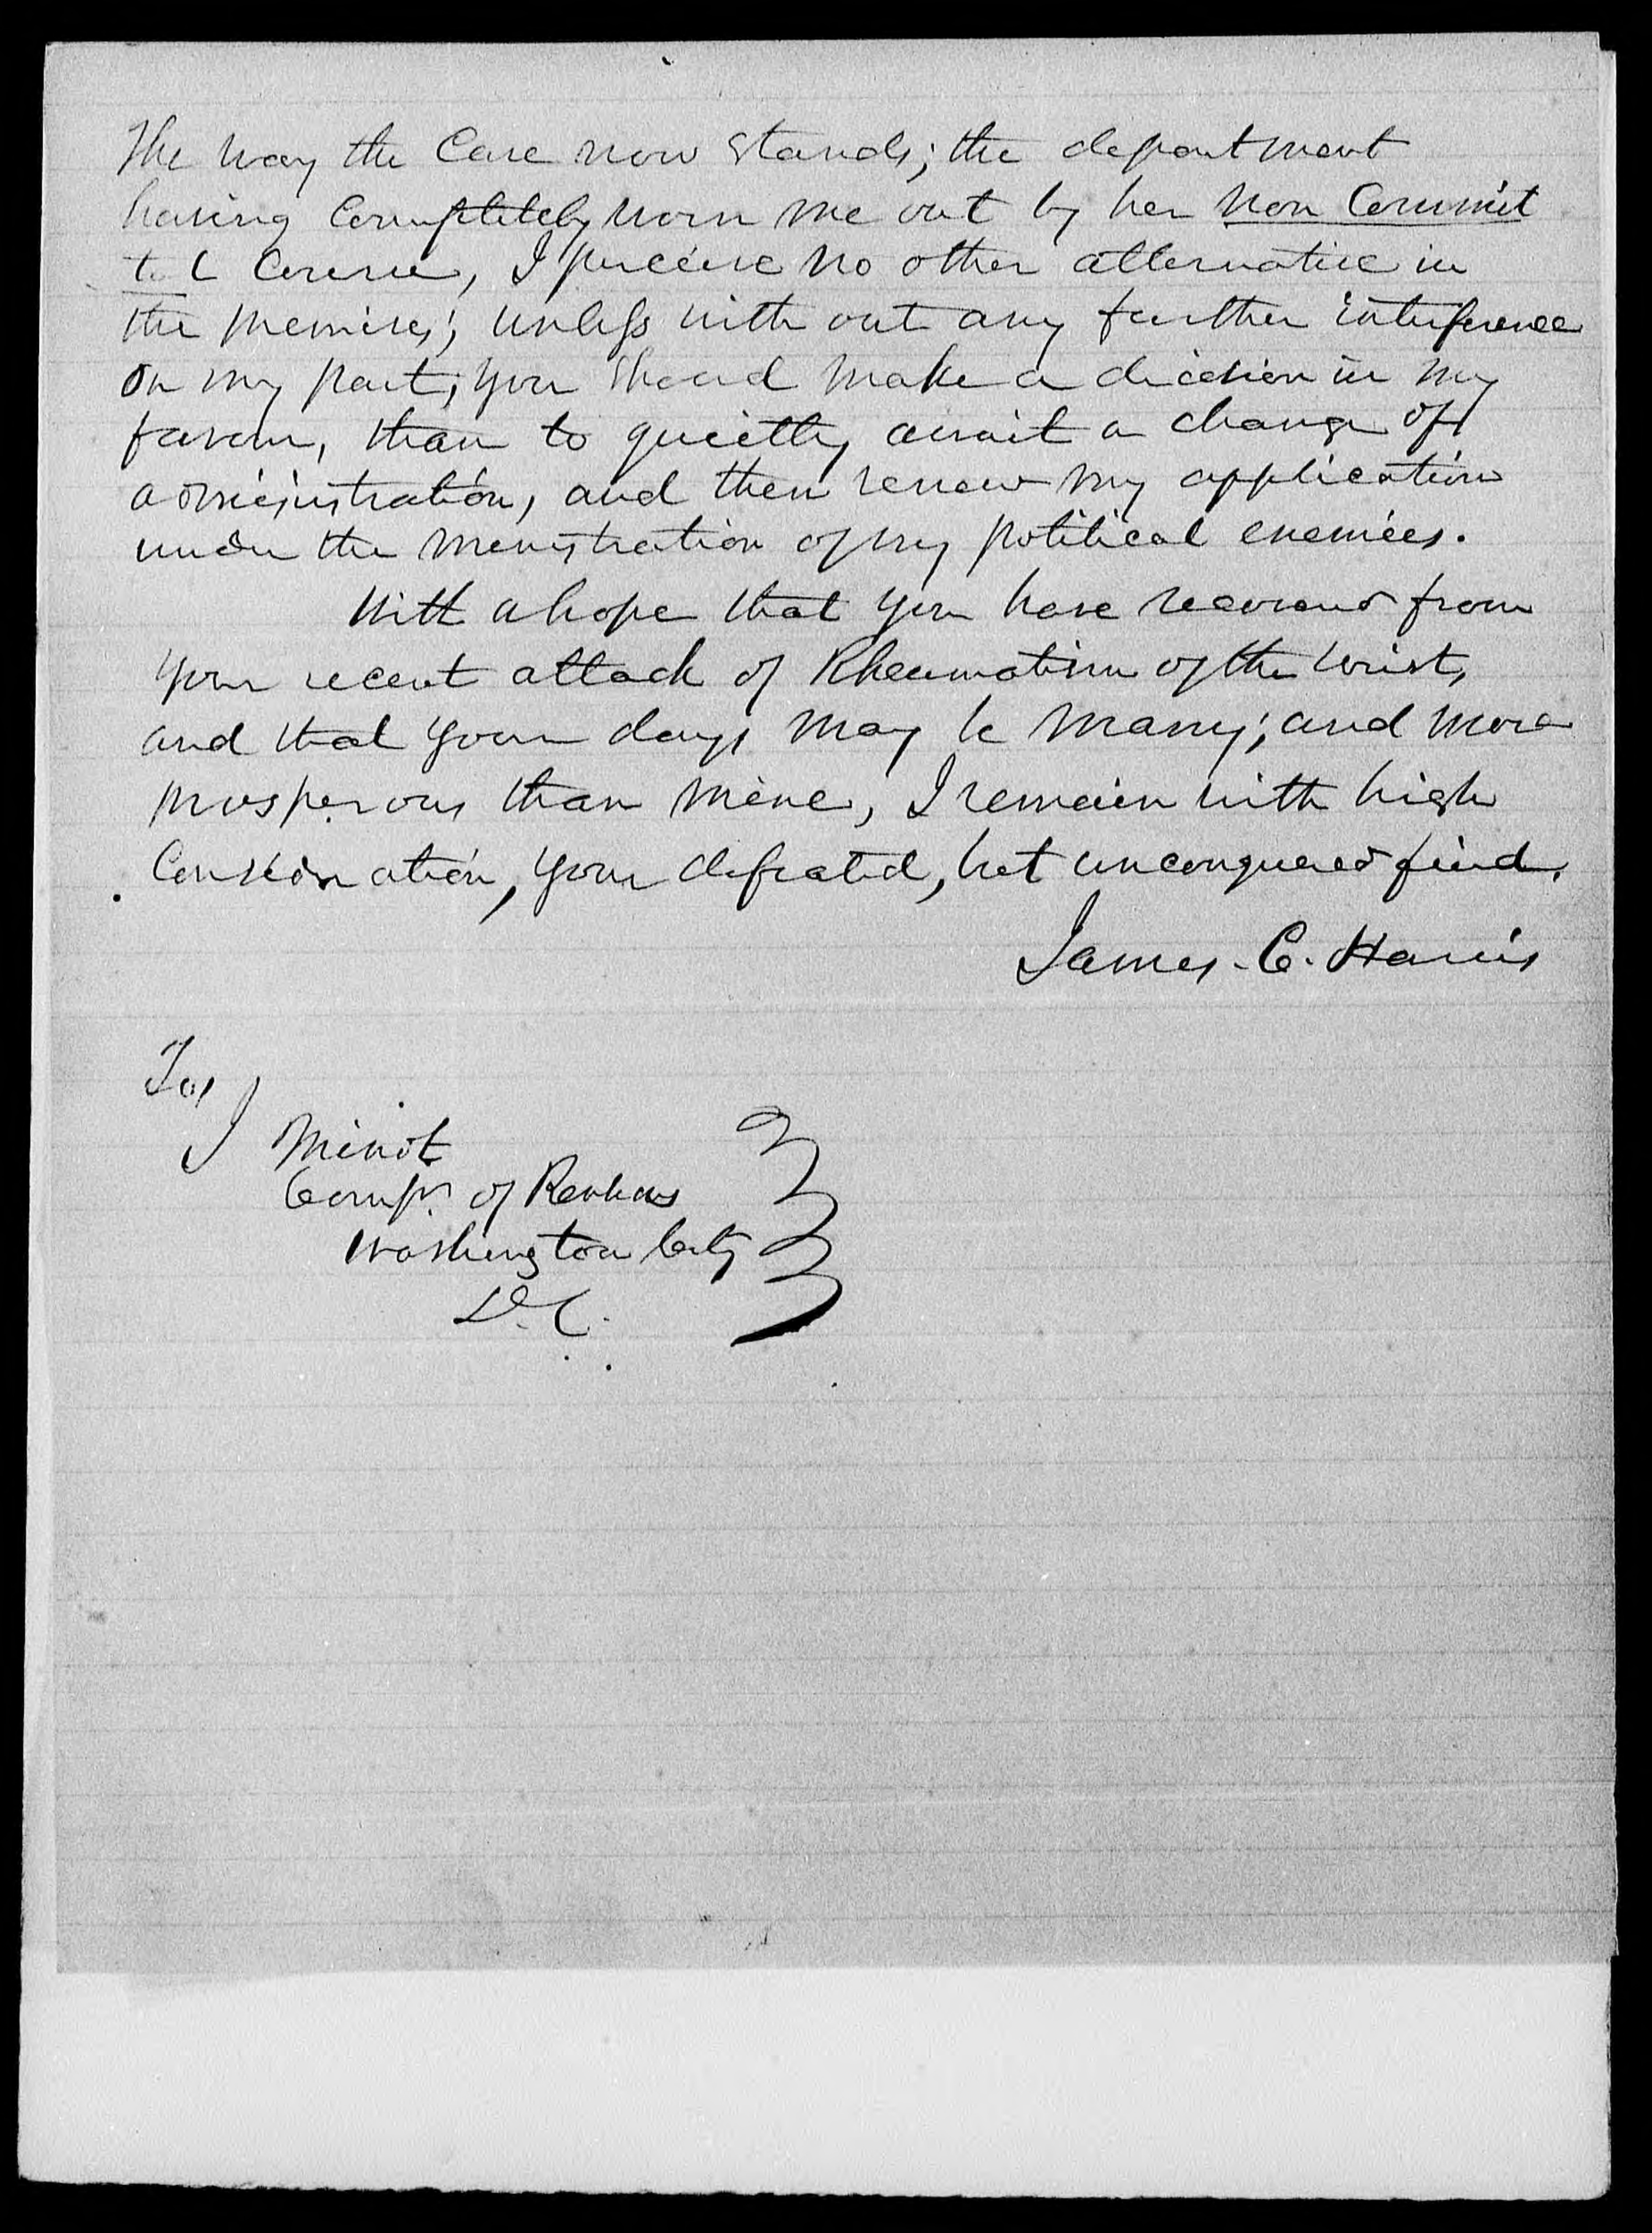The way the case now stands, the department having completely worn me out by her non commital course, I perceive no other alternative in the premise, unless with out any further enterprise on my part, you should make a decision in my favour, than to quietly await a change of administration, and then renew my application under the ministration of my political enemies.
   With a hope that you have recovered from your recent attack of Rheumatism of the wrist, and that your days may be many, and more prosperous than mine, I remain with high consideration, you defeated, but unconquered friend.
     James C. Harris

To:
   J Minot             }
    Comsr of Pensions}
     Washington City}
      D.C.}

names: J Minot, James C Harris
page: 34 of 160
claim: rejected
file: R. 4666, James Harris, Va.